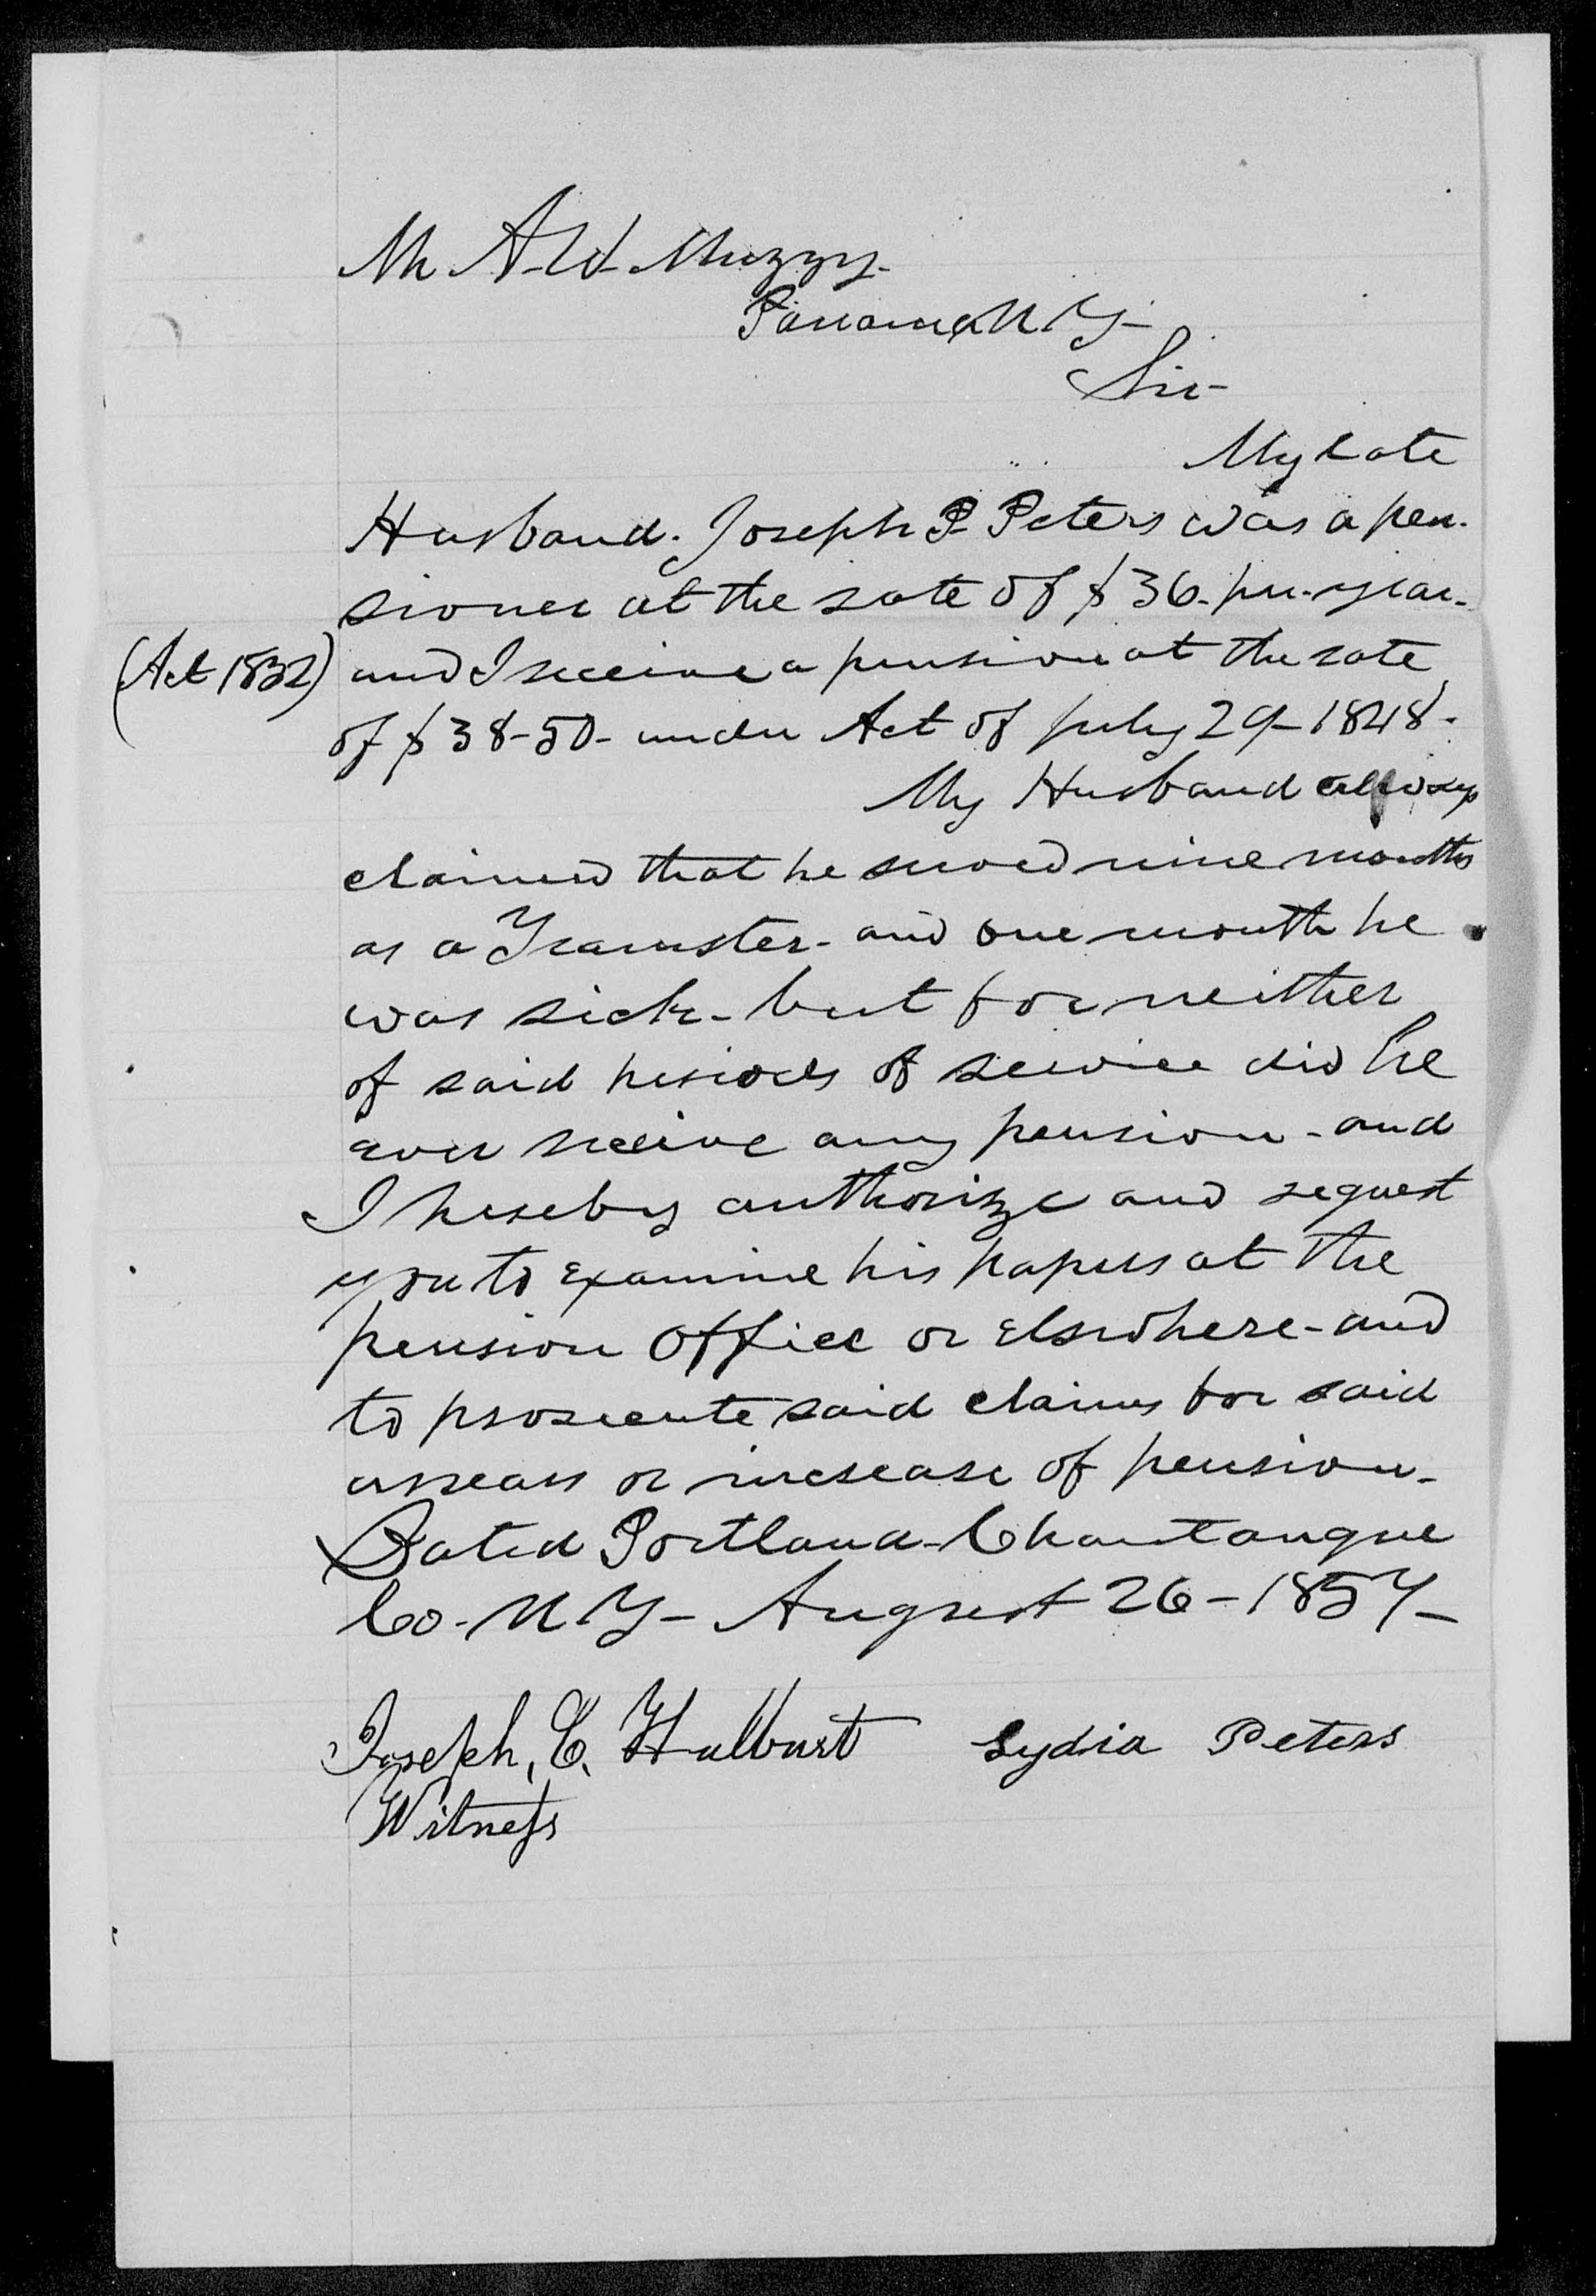Mr. A. W. Muzzy 
Panama NY
Sir 
My late Husband, Joseph P Peters was a pensioner at the rate of $36 per year (Act 1832) and I receive a pension at the rate of $38.50 under Act of July 29 1848. 
My Husband all ways claimed that he served nine months as a Teamster and one month he was sick but for neither of said periods of service did he ever receive any pension and I hereby authorize and request you to examine his papers at the pension office or elsewhere - and to prosecute said claims for said arrears or increase of pension.  Dated Portland Chautauqua Co. NY - August 26 -1857 
Lydia Peters
Joseph C. Hulburt Witness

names: A W Muzzy; Joseph P Peters; Joseph C Hulburt; Lydia Peters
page: 49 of 73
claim: widow's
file: W. 2338, for Joseph P Peters, Connecticut